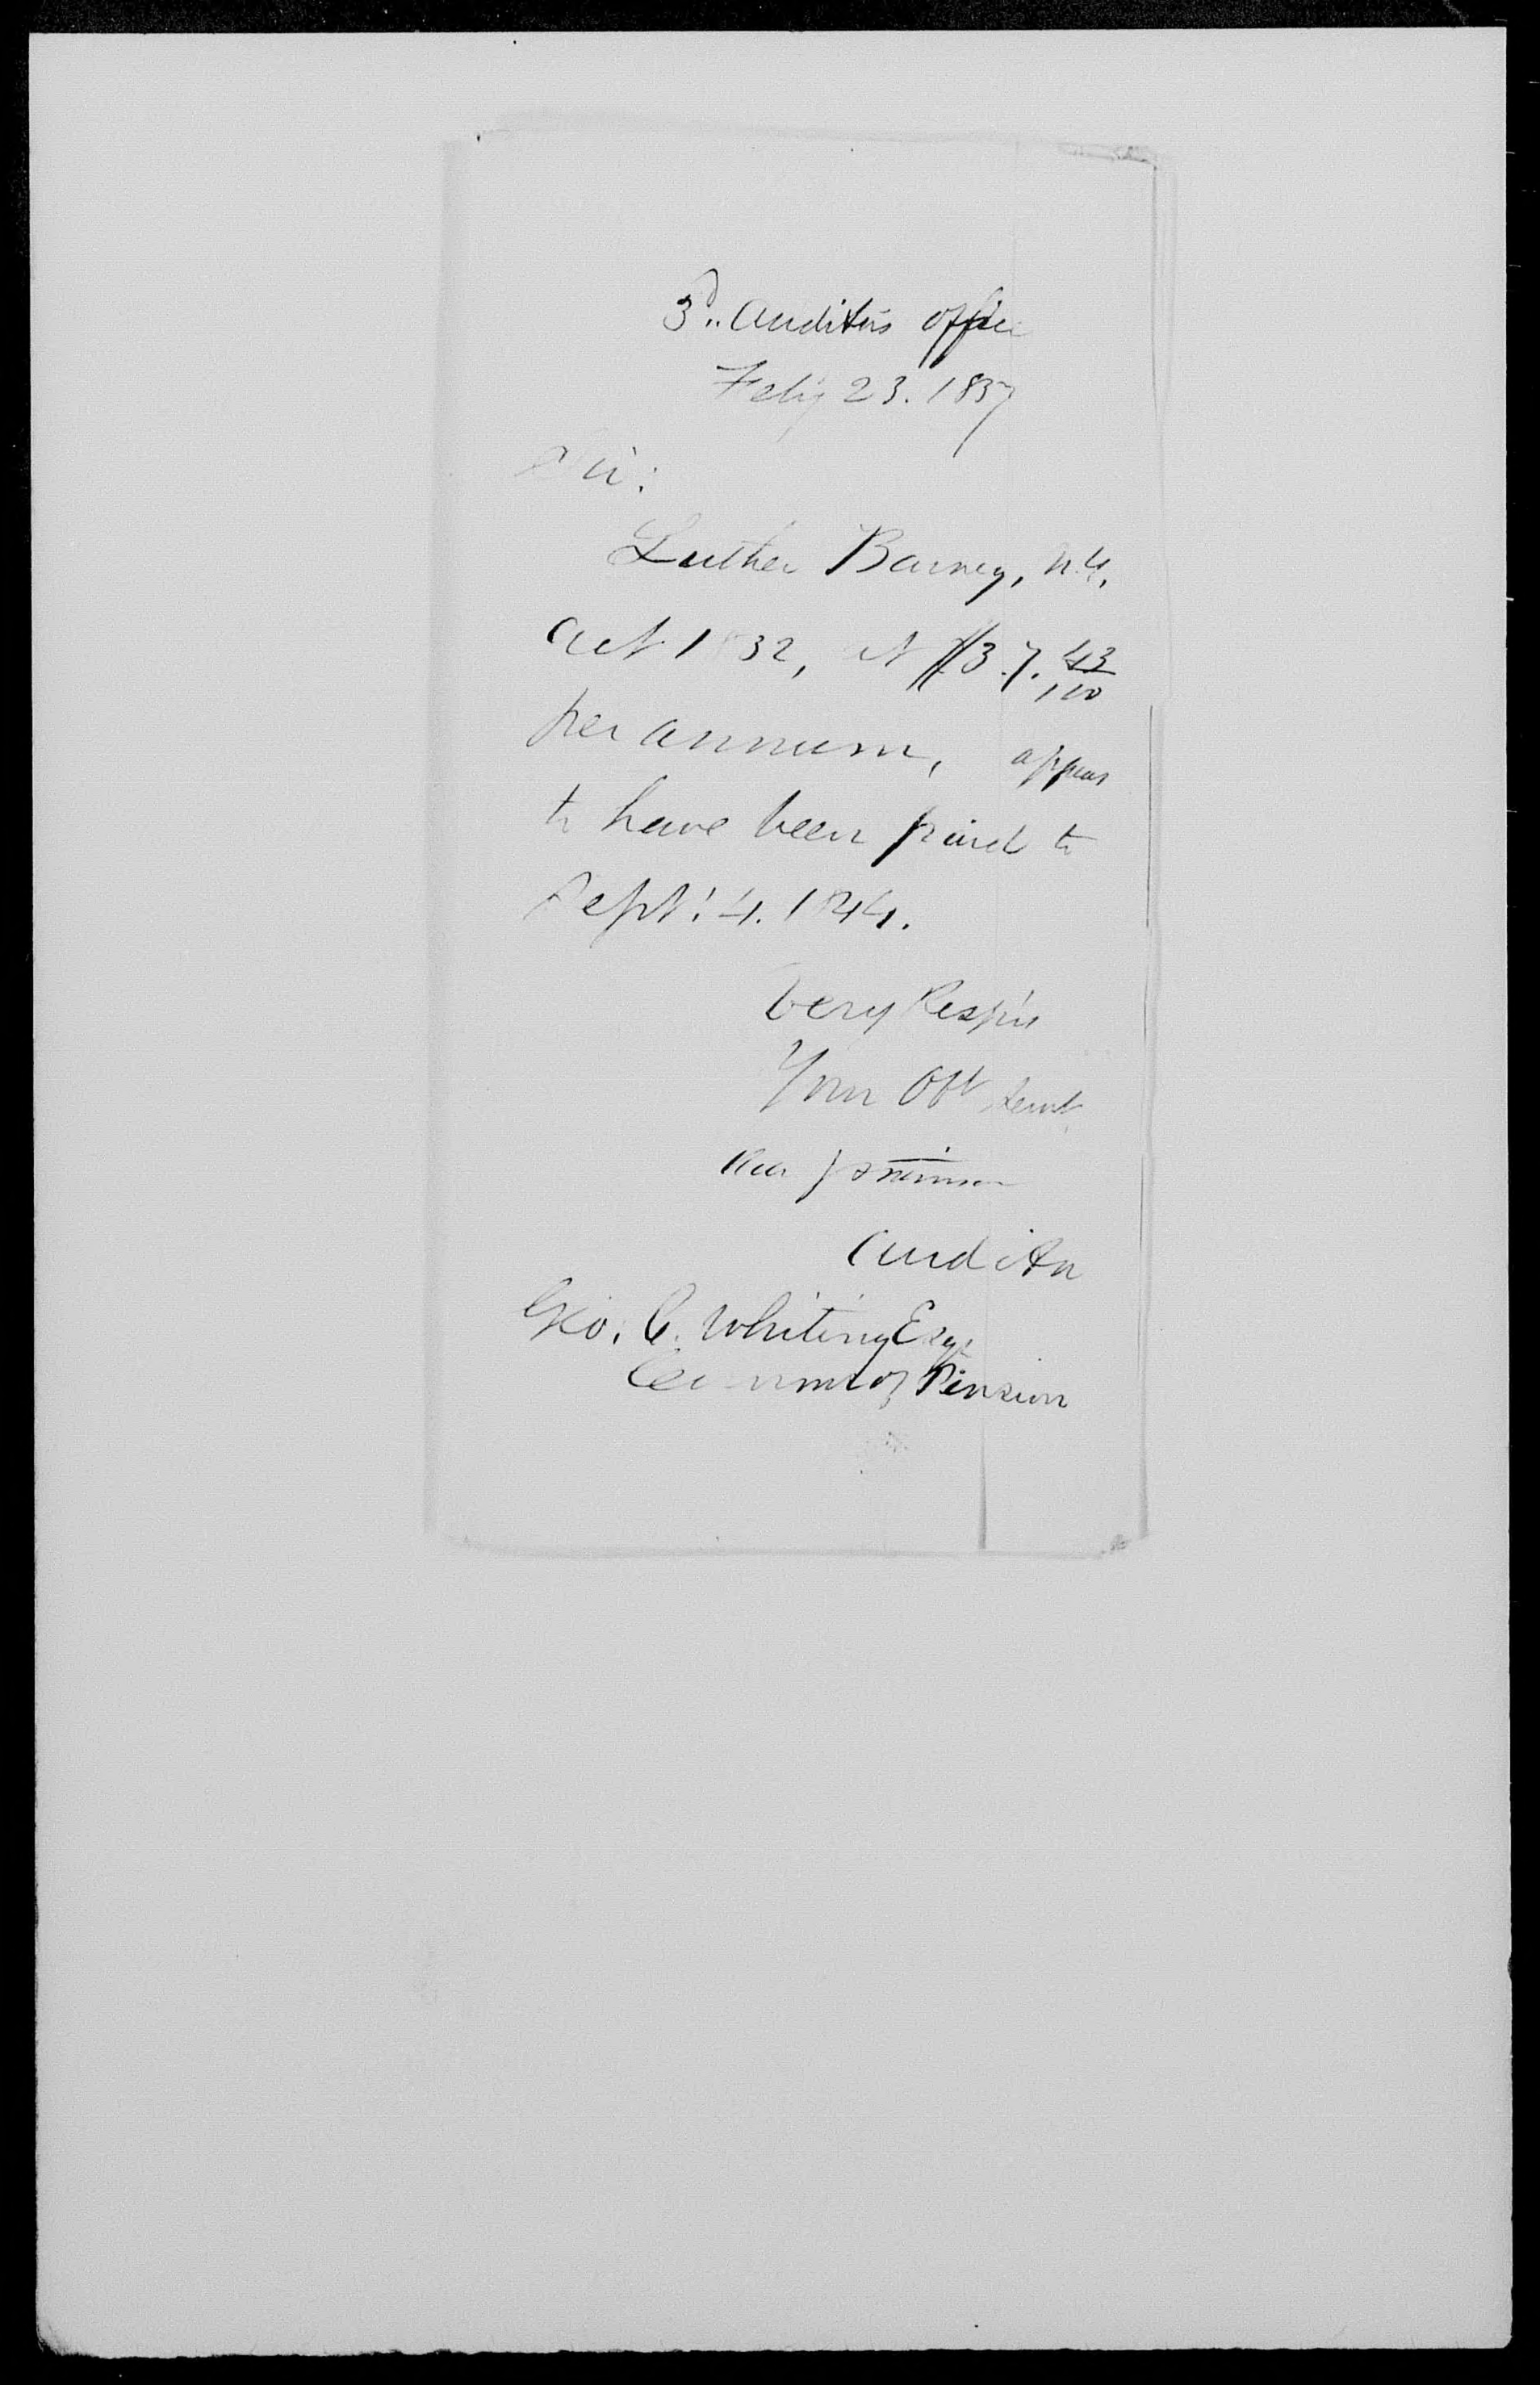3d Auditors office
Feb 23, 1837

Sir:
Luther Barney, N.Y.
Act 1832, at $37 43/100 per annum, appear
to have been paid to Sept. 14. 1844
Very Resp'y
Your Obt Servt
[illegible name]
Curd An [?]
Geo. C. Whiting Esq
Comm of Pension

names: Geo C Whiting, Luther Barney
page: 51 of 61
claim: widow's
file: W. 4.124, Luther Barney, Conn. Privateer.